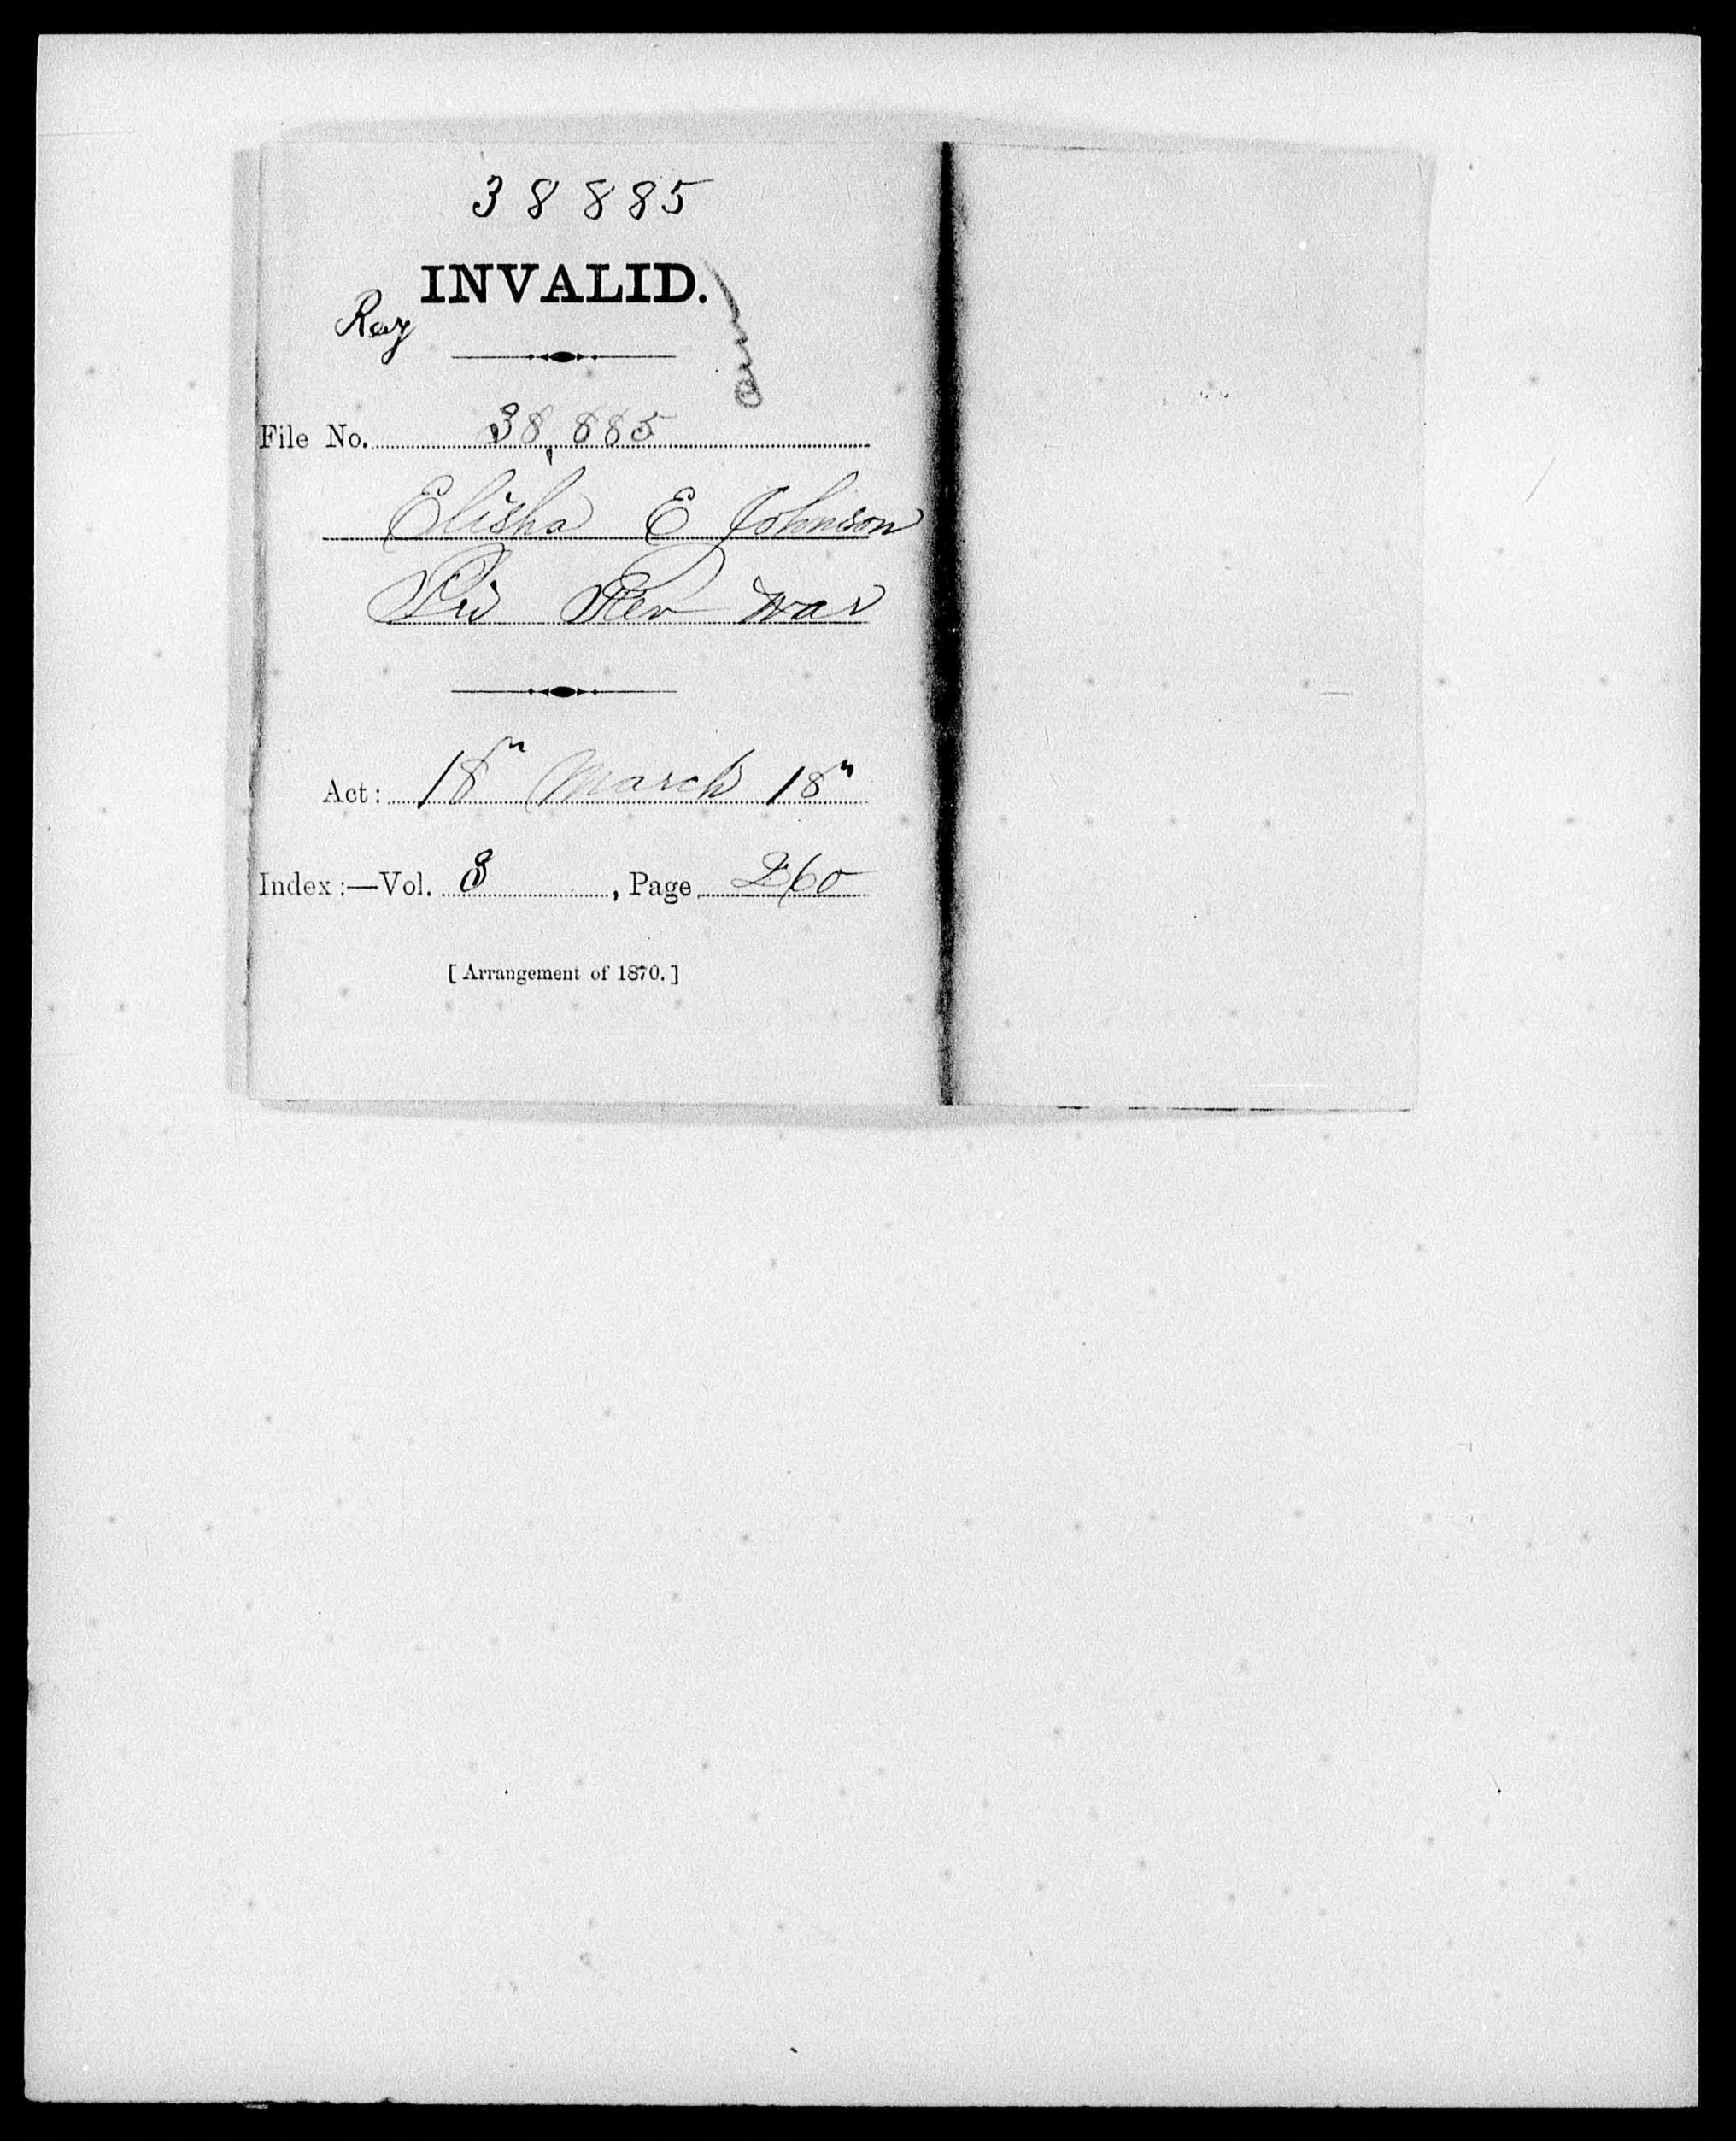38885

INVALID.
Revy
Awn

File No. 38,885

Elisha E Johnson
Priv Rev War

Act : 18" March 18"

Index :--Vol. S, Page 260

[Arrangement of 1870.]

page: 9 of 9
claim: survivor's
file: S. 38885, for Elisha Edwards Johnson, South Carolina